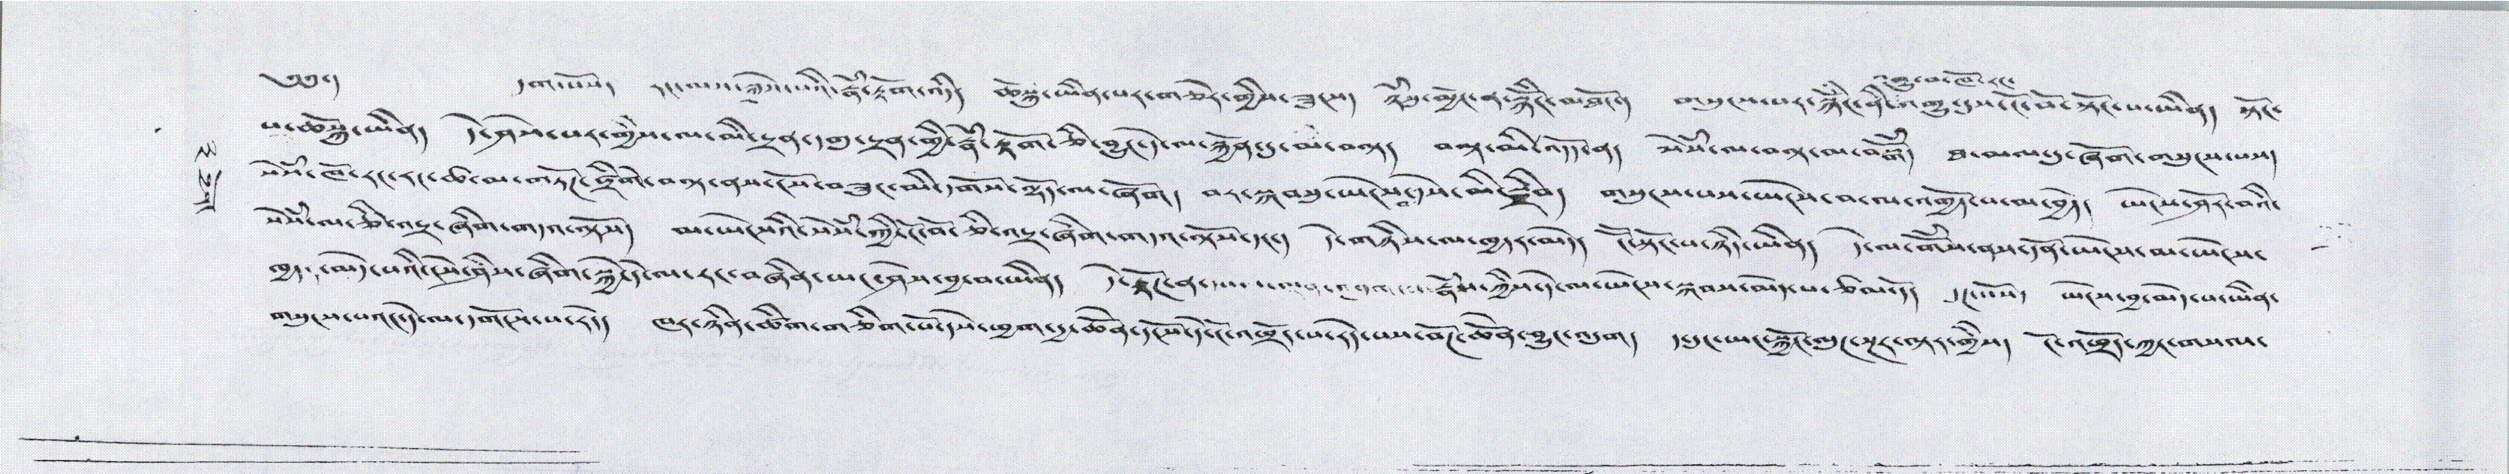དག་པོས། རང་ལས་སྐྱེས་པའི་རྣམ་རྟོག་འདི། ཆོས་སྐུ་ཡིན་པར་ཅེར་གྱིས་ཟུངས། ཉམས་སུ་མྱོང་ན་སྙིང་པོ་མཐོང་། གསུངས་པར་སྙིང་པོ་ནི་འགྱུ་བ་ཁོ་རང་འགྱུ་དུས་ངོ་བོ་སྟོང་པ་ཡིན། སྟོང་
པ་ཆོས་སྐུ་ཡིན། དེ་ཤེས་པར་གྱིས་ལ་མི་དྲན་དགུ་དྲན་གྱི་རྣམ་རྟོག་ཅི་བྱུང་དེ་ལ་སྐྱོན་དུ་མ་བལྟ། བལྟ་མི་འདོད་ན་སེམས་ལ་བལྟ་མ་བསྒོམ། ཐ་མལ་དུ་ཞོག་གསུངས་པས། 
སེམས་ཁོ་རང་རང་ཚ་མ་གཏོགས་ཧྲིག་གེ་བལྟ་ནས་ངོས་བཟུང་མི་དགོས་ལྷོད་ལ་ཞོག བར་སྐབས་སུ་ཡེངས་པ་དེས་མི་བསྒྲིབས། གསུངས་པས་ཡེངས་པ་ལ་འགྱོད་པ་མ་བྱེད། ཡེངས་ཤོར་བའི་
སེམས་ལ་ཅི་འདྲ་ཞིག་གདའ་ལྟོས། མ་ཡེངས་པའི་སེམས་ཀྱི་ངོ་བོ་ཅི་འདྲ་ཞིག་གདའ་ལྟོས་དང་། དེ་གཉིས་ལ་ཁྱད་པར་མེད། ངོ་བོ་སྟོང་པ་ཉིད་ཡིན། དེ་ལ་གོམས་ནས་དོན་ཡེངས་མ་ཡེངས་
ཁྱད་མེད་པའི་ངེས་ཤེས་ཤིག་སྐྱེ་དེ་ལ་རང་བཞིན་ཡང་ཤེས་བྱ་བ་ཡིན། དེ་རྟོགས་ན་དཔལ་ལྡན་འབྲུག་པ་རྣམས་ཀྱིས་དེ་ལ་ཡེངས་སྐབས་མེད་པ་ཙམ་དོ་༼མོ༽། དྭགས་པོས། ཡེངས་བྱ་མེད་པ་ཡིན་
གསུངས་པའང་དེ་ལ་དགོངས་པ་རེད། ཁར་ཉིན་ཚིག་གཅིག་པོ་དེས་ཕྱག་རྒྱ་ཆེན་པོ་དངོས་དེ་ངོ་འཕྲོད་པ་རེད་པས་བོགས་ཆེན་པོ་བྱུང་འདུག ད་དུང་ཡང་སྐྱོང་ལུགས་སྔར་ལྟར་གྱིས། ངོ་འཕྲོད་ཀྱང་གསལ་